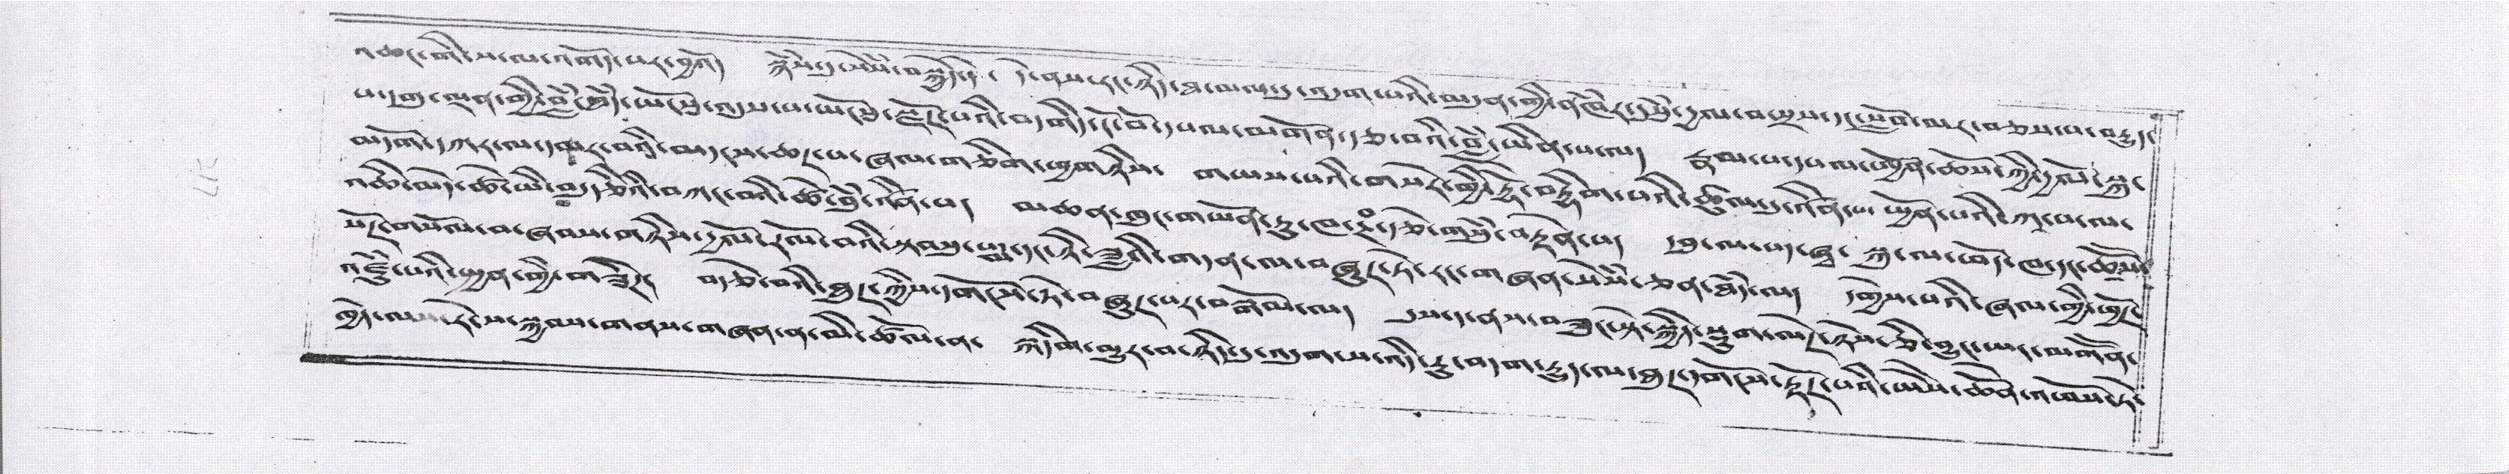འཆང་གི་ས་ལ་འགོད་པར་བྱའོ། སྙམ་དུ་སེམས་བསྐྱེད་དེ། དེ་ནས་རང་ཉིད་ཐ་མལ་དུ་འདུག་པའི་མདུན་གྱི་ནམ་མཁར། པད་ཟླ་ཉི་མ་རབ་ཏུ་རྒྱས་པའི་གདན་ལ་དུས་གསུམ་གྱི་རྒྱལ་བ་སྲས་དང་བཅས་པ་བརྒྱུད་
པ་དགུ་ལྡན་གྱི་བླ་མ་ཐམས་ཅད་ཡོངས་སུ་འདུས་ཤིང་ཡོངས་སུ་རྫོགས་པའི་བདག་ཉིད་ཆེན་པོ་ངོ་བོ་དྲིན་ཅན་རྩ་བའི་བླ་མ་ཡིན་པ་ལ། རྣམ་པ་དཔལ་ཨོ་རྒྱན་ཆོས་ཀྱི་རྒྱལ་པོ་སྐུ་
མདོག་དཀར་ལ་དམར་བའི་མདངས་ཆགས་པ། གཡས་པས་རྡོ་རྗེ་བསྡིག་པའི་ཚུལ་གྱིས་འཛིན་པ། གཡོན་པའི་ཀ་པ་ལ་
འཆི་མེད་ཚེ་ཡི་བདུད་རྩིས་གང་བའི་བུམ་པ་འཛིན་པ། མཆན་ཁུང་གཡོན་དུ་ཁ་ཊཾ་རྩེ་གསུམ་བརྟེན་པ། དབུ་ལ་པད་ཞྭ་སྐུ་ལ་ཕོད་ཁ་དང་ཆོས་གོས་
སོགས་གསོལ་བ། ཞབས་གཉིས་རྒྱལ་པོ་རོལ་པའི་སྟབས་སུ་པད་མ་དང་ཉི་ཟླའི་གདན་ལ་བཞུགས་ཏེ་རང་གཞན་སེམས་ཅན་ཐམས་ཅད་ལ་དགྱེས་པའི་ཞལ་གྱིས་ཕྱོགས། 
འཛུམ་པའི་སྤྱན་གྱིས་གསན། བརྩེ་བའི་ཐུགས་ཀྱིས་དགོངས་ཏེ་བཞུགས་པར་བསྒོམ་ལ། དུས་ད་ནས་བཟུང་སྟེ་སྐྱིད་སྡུག་ལེགས་ཉེས་ཅི་བྱུང་ཡང་བླ་མ་མགོན་པོ་
ཁྱེད་ལས་རེ་ས་སྐྱབས་གནས་གཞན་ན་མི་འཚོལ་ན། སྐད་ཅིག་མྱུར་བ་ཉིད་དུ་འདུག་ས་འདི་རུ་བདག་རྒྱུད་ལ་ཐུགས་དགོངས་ཡེ་ཤེས་ཆེན་པོ་འཕོས་ཏེ་